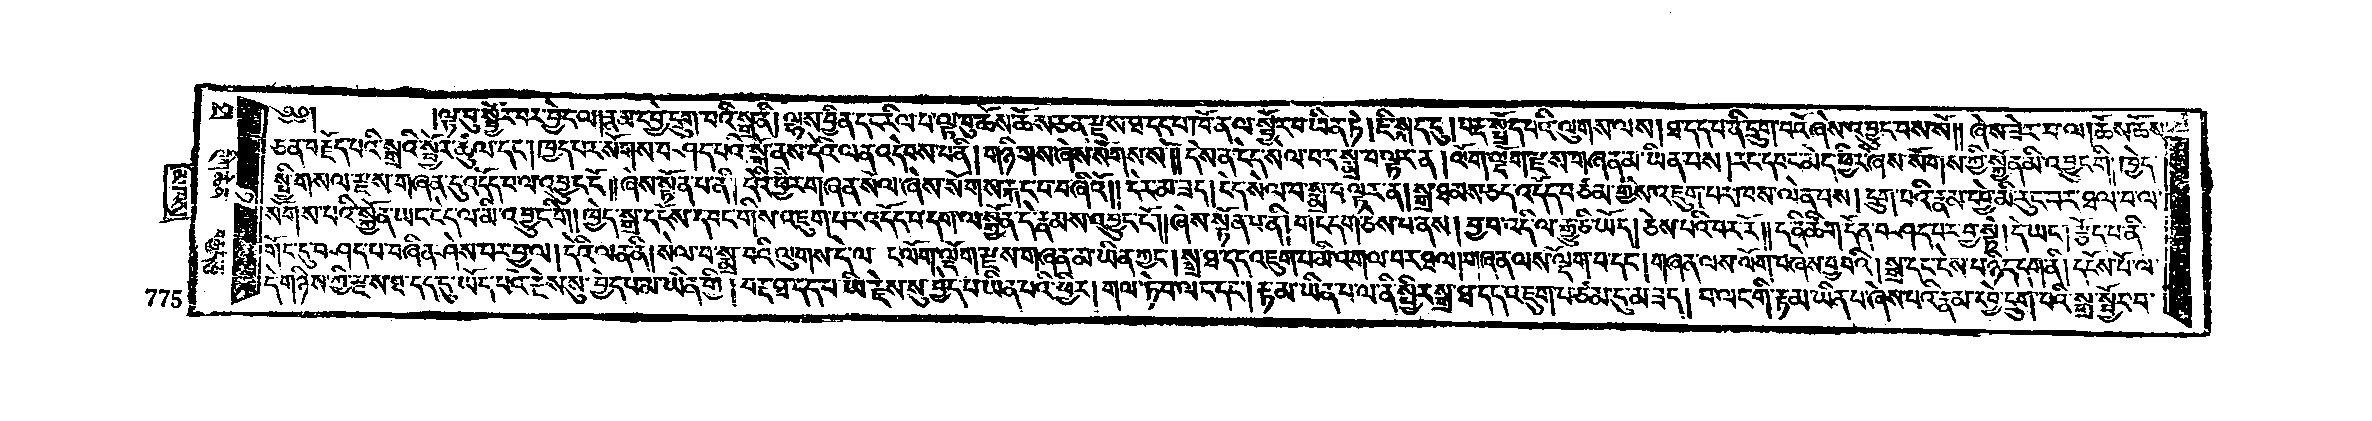༄༅། །ལྟ་བུ་སྦྱོར་བར་བྱེད་ལ། རྣམ་དབྱེ་དྲུག་པའི་སྒྲ་ནི། ལྷས་བྱིན་དང་རིལ་པ་ལྟ་བུ་ཆོས་ཆོས་ཅན་རྫས་ཐ་དད་པ་ཁོ་ན་ལ་སྦྱོར་བ་ཡིན་ཏེ། ཇི་སྐད་དུ། བརྡ་སྤྲོད་པའི་ལུགས་ལས། ཐ་དད་པ་ནི་དྲུག་པའོ་ཞེས་འབྱུང་བས་སོ། །ཞེས་ཟེར་བ་ལ། ཆོས་ཆོས་
ཅན་བརྗོད་པའི་སྒྲའི་སྦྱོར་ཚུལ་དང་། ཁྱད་པར་སོགས་བཤད་པའི་སྒོ་ནས་དེའི་ལན་འདེབས་པ་ནི། གཉི་གས་ཞེས་སོགས་སོ། །དེས་ན་ངེད་སེལ་བར་སྨྲ་བ་ལྟར་ན། ལོག་ལྡོག་རྫས་གཞན་མ་ཡིན་པས། རང་དབང་མེད་ཕྱིར་ཞེས་སོགས་ཀྱི་སྐྱོན་མི་འབྱུང་གི། ཁྱེད་
སྤྱི་གསལ་རྫས་གཞན་དུ་འདོད་པ་ལ་འབྱུང་ངོ། །ཞེས་སྟོན་པ་ནི། དེའི་ཕྱིར་གཞན་སེལ་ཞེས་སོགས་རྐང་པྦ་བཞིའོ། །དེར་མ་ཟད། ངེད་སེལ་བ་སྨྲ་བ་ལྟར་ན། སྒྲ་ཐམས་ཅད་འདོད་པ་ཙམ་གྱིས་འཇུག་པར་ཁས་ལེན་པས། དྲུག་པའི་རྣམ་དབྱེ་མི་རུང་བར་ཐལ་བ་ལ་
སོགས་པའི་སྐྱོན་ཡང་ངེད་ལ་མི་འབྱུང་གི། ཁྱེད་སྒྲ་དངོས་དབང་གིས་འཇུག་པར་འདོད་པ་དག་ལ་སྐྱོན་དེ་རྣམས་འབྱུང་ངོ། །ཞེས་སྟོན་པ་ནི། གང་དག་ཅེས་པ་ནས། བྱ་བ་འདི་ལ་རྒྱུ་ཅི་ཡོད། ཅེས་པའི་བར་རོ། །ད་ནི་ཚིག་དོན་བཤད་པར་བྱ་སྟེ། དེ་ཡང་། རྩོད་པ་ནི་
གོང་དུ་བཤད་པ་གཞིན་ཤེས་པར་བྱ་ལ། དེའི་ལན་ནི། སེལ་བ་སྨྲ་བའི་ལུགས་དེ་ལས་ལོག་ལྡོག་རྫས་གཞན་མ་ཡིན་ཀྱང་། སྒྲ་ཐ་དད་འཇུག་པ་མི་འགལ་བར་ཐལ། གཞན་ལས་ལྡོག་པ་དྣག། གཞན་ལས་ལོག་པ་ཞེས་བྱ་བའི། སྒྲ་དང་ངེས་པ་ཉིད་དག་ནི། དངོས་པོ་ལ་
དེ་གཉིས་ཀྱི་རྫས་ཐ་དད་དུ་ཡོད་པའི་རྗེས་སུ་བྱེད་པ་མ་ཡིན་གྱི། བརྡ་ཐ་དད་པ་ཡི་རྗེས་སུ་བྱེད་པ་ཡིན་པའི་ཕྱིར། གལ་ཏེ། བ་ལང་དང་། རྟ་མ་ཡིན་པ་ལ་ནི་སྤྱིར་སྒྲ་ཐ་དད་འཇུག་པ་ཙམ་དུ་མ་ཟད། བ་ལང་གི་རྟ་མ་ཡིན་པ་ཞེས་པའི་རྣམ་དབྱེ་དྲུག་པའི་སྒྲ་སྦྱོར་བ་